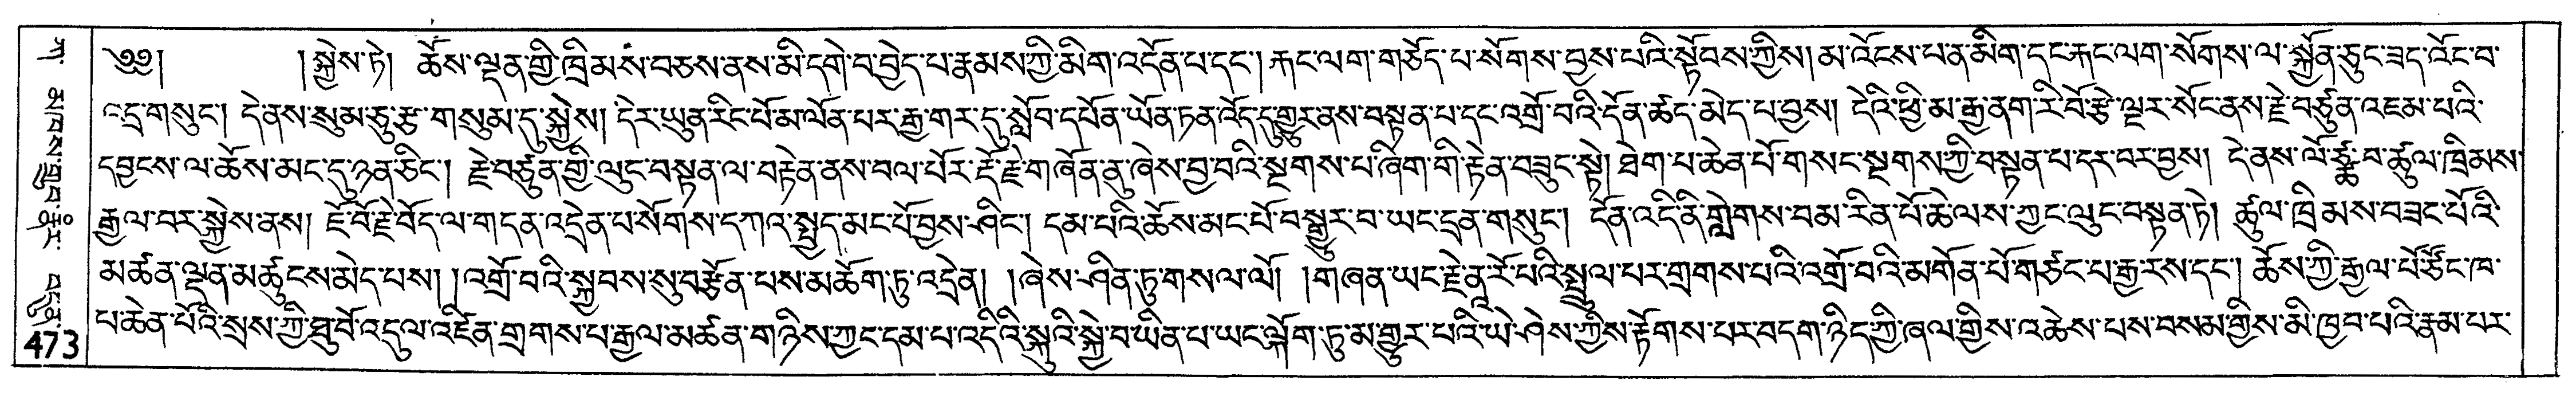༄༅། །སྐྱེས་ཏེ། ཆོས་ལྡན་གྱི་ཁྲིམས་བཅས་ནས་མི་དགེ་བ་བྱེད་པ་རྣམས་ཀྱི་མིག་འདོན་པ་དང་། རྐང་ལག་གཅོད་པ་སོགས་བྱས་པའི་སྟོབས་ཀྱིས། མ་འོངས་པ་ན་མིག་དང་རྐང་ལག་སོགས་ལ་སྐྱོན་ཅུང་ཟད་འོང་བ་
འདྲ་གསུང་། དེ་ནས་སུམ་ཅུ་རྩ་གསུམ་དུ་སྐྱེས། འདིར་ཡུན་རིང་པོ་མ་ལོན་པར་རྒྱ་གར་དུ་སློབ་དཔོན་ཡོན་ཏན་འོད་དུ་གྱུར་ནས་བསྟན་པ་དང་འགྲོ་བའི་དོན་ཚད་མེད་པ་བྱས། དེའི་ཕྱི་མ་རྒྱ་ནག་རི་བོ་རྩེ་ལྔར་སོང་ནས་རྗེ་བཙུན་འཇམ་པའི་
དབྱངས་ལ་ཆོས་མང་དུ་ཉན་ཅིང་། རྗེ་བཙུན་གྱི་ལུང་བསྟན་ལ་བརྟེན་ནས་བལ་པོར་རྡོ་རྗེ་གཞོན་ནུ་ཞེས་བྱ་བའི་སྔགས་པ་ཞིག་གི་རྟེན་བཟུང་སྟེ། ཐེག་པ་ཆེན་པོ་གསང་སྔགས་ཀྱི་བསྟན་པ་དར་བར་བྱས། དེ་ནས་ལོ་ཙྪ་བ་ཚུལ་ཁྲིམས་
རྒྱལ་བར་སྐྱེས་ནས། ཇོ་བོ་རྗེ་བོད་ལ་གདན་འདྲེན་པ་སོགས་དཀའ་སྤྱད་མང་པོ་བྱས་ཤིང་། དམ་པའི་ཆོས་མང་པོ་བསྒྱུར་བ་ཡང་དྲན་གསུང་། དོན་འདི་ནི་གླེགས་བམ་རིན་པོ་ཆེ་ལས་ཀྱང་ལུང་བསྟན་ཏེ། ཚུལ་ཁྲིམས་བཟང་པོའི་
མཚན་ལྡན་མཚུངས་མེད་པས། །འགྲོ་བའི་སྐྱབས་སུ་བརྩོན་པས་མཆོག་ཏུ་འདྲེན། །ཞེས་ཤིན་ཏུ་གསལ་ལོ། །གཞན་ཡང་རྗེ་ནཱ་རོ་པའི་སྤྲུལ་པར་གྲགས་པའི་འགྲོ་བའི་མགོན་པོ་གཙང་པ་རྒྱ་རས་དང་། ཆོས་ཀྱི་རྒྱལ་པོ་ཙོང་ཁ་
པ་ཆེན་པོའི་སྲས་ཀྱི་ཐུ་བོ་འདུལ་འཛིན་གྲགས་པ་རྒྱལ་མཚན་གཉིས་ཀྱང་དམ་པ་འདིའི་སྐུའི་སྐྱེ་བ་ཡིན་པ་ཡང་ལྐོག་ཏུ་མ་གྱུར་པའི་ཡེ་ཤེས་ཀྱིས་རྟོགས་པར་བདག་ཉིད་ཀྱི་ཞལ་གྱིས་འཆེས་པས་བསམ་གྱིས་མི་ཁྱབ་པའི་རྣམ་པར་